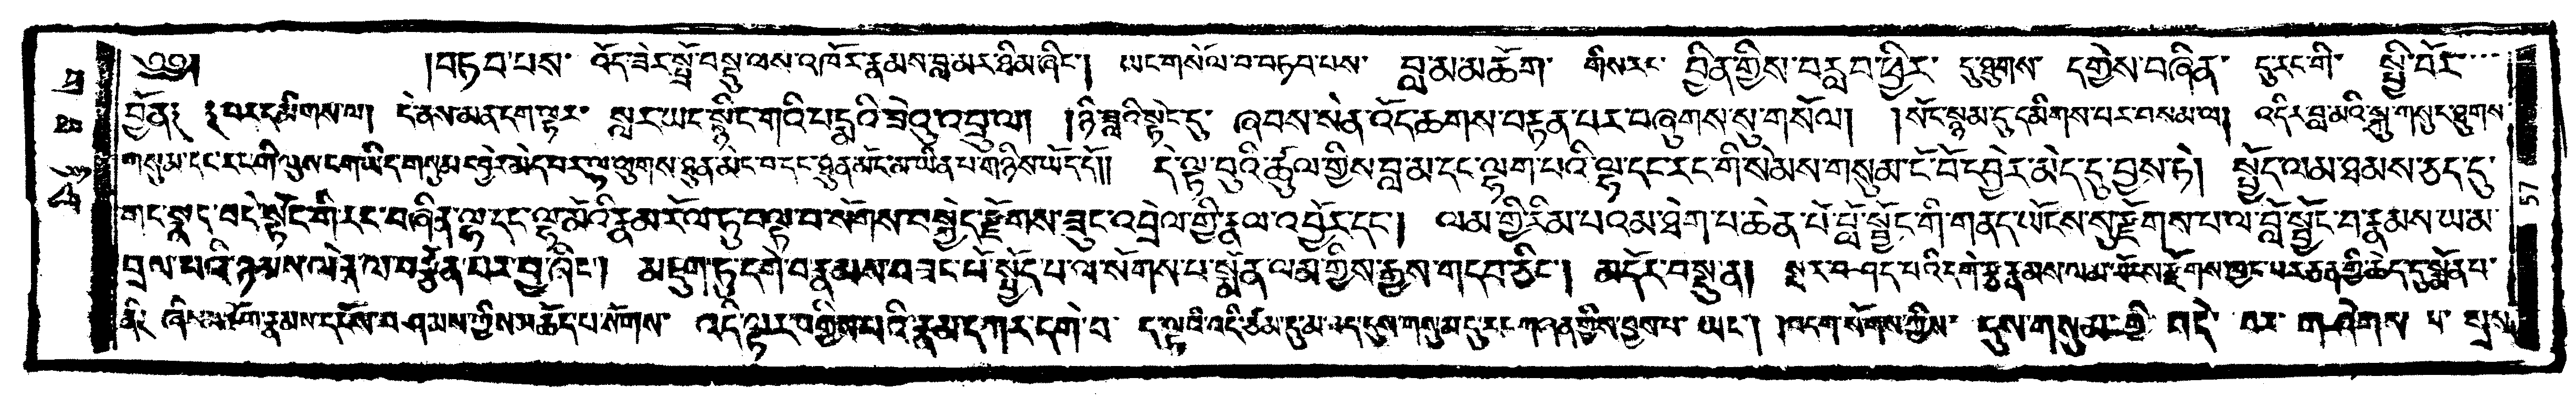༄༅། །བཏབ་པས་འོད་ཟེར་སྤྲོ་བསྡུ་ལས་འཁོར་རྣམས་བླ་མར་ཐིམ་ཞིང་། ཡང་གསོལ་བ་བཏབ་པས་བླ་མ་མཆོག་གིས་རང་བྱིན་གྱིས་བརླབ་ཕྱིར་དུ་ཐུགས་དགྱེས་བཞིན་དུ་རང་གི་སྤྱི་བོར་
བྱོན༑ ༑བར་དམིགས་ལ། དེ་ནས་མན་ངག་ལྟར་སླར་ཡང་སྙིང་གའི་པདམའི་ཟེའུ་འབྲུལ། །ཉི་ཟླའི་སྟེང་དུ་ཞབས་སེན་འོད་ཆགས་བརྟེན་པར་བཞུགས་སུ་གསོལ། །སོང་སྙམ་དུ་དམིགས་པར་བསམ་ལ། འདིར་བླ་མའི་སྐུ་གསུང་ཐུགས་
གསུམ་དང་རང་གི་ལུས་ངག་ཡིད་གསུམ་དབྱེར་མེད་པར་ལྷ་ལུགས་ཐུན་མོང་བ་དང་ཐུན་མོང་མ་ཡིན་པ་གཉིས་ཡོད་དོ།། དེ་ལྟ་བུའི་ཚུལ་གྱིས་བླ་མ་དང་ལྷག་པའི་ལྷ་དང་རང་གི་སེམས་གསུམ་ངོ་བོ་དབྱེར་མེད་དུ་བྱས་ཏེ། སྤྱོད་ལམ་ཐམས་ཅད་དུ་
གང་སྣང་བདེ་སྟོང་གི་རང་བཞིན་ལྷ་དང་ལྷ་མོའི་རྣམ་རོལ་ཏུ་བལྟ་བ་སོགས་བསྐྱེད་རྫོགས་ཟུང་འབྲེལ་གྱི་རྣལ་འབྱོར་དང་། ལམ་གྱི་རིམ་པའམ་ཐེག་པ་ཆེན་པོ་བློ་སྦྱོང་གི་གནད་ཡོངས་སུ་རྫོགས་པ་ལ་བློ་སྦྱོང་བ་རྣམས་ཡམ་
བྲལ་བའི་ཉམས་ལེན་ལ་བརྩོན་པར་བྱ་ཞིང་། མཇུག་ཏུ་དགེ་བ་རྣམས་བཟང་པོ་སྤྱོད་པ་ལ་སོགས་པ་སྨོན་ལམ་གྱིས་རྒྱས་གདབ་ཅིང་། མདོར་བསྡུ་ན། སྔར་བཤད་པའི་དགེ་རྩ་རྣམས་ལམ་ཡོངས་རྫོགས། བྱང་པར་ཅན་གྱི་ཆེད་དུ་སྨོན་པ་
ནི༑ ཞིས་མཆོག་རྣམས་དངོས་བཤམས་ཀྱིས་མཆོད་པ་སོགས་འདི་ལྟར་བགྱིས་པའི་རྣམ་དཀར་དགེ་བ་ད་ལྟའི་འདི་ཙམ་དུ་མ་ཟད་དུས་གསུམ་དུ་རང་གཞན་གྱིས་བྱས་པ་ཡང་། །བདག་སོགས་ཀྱིས་དུས་གསུམ་གྱི་བདེ་བར་གཤེགས་པ་སྲས་